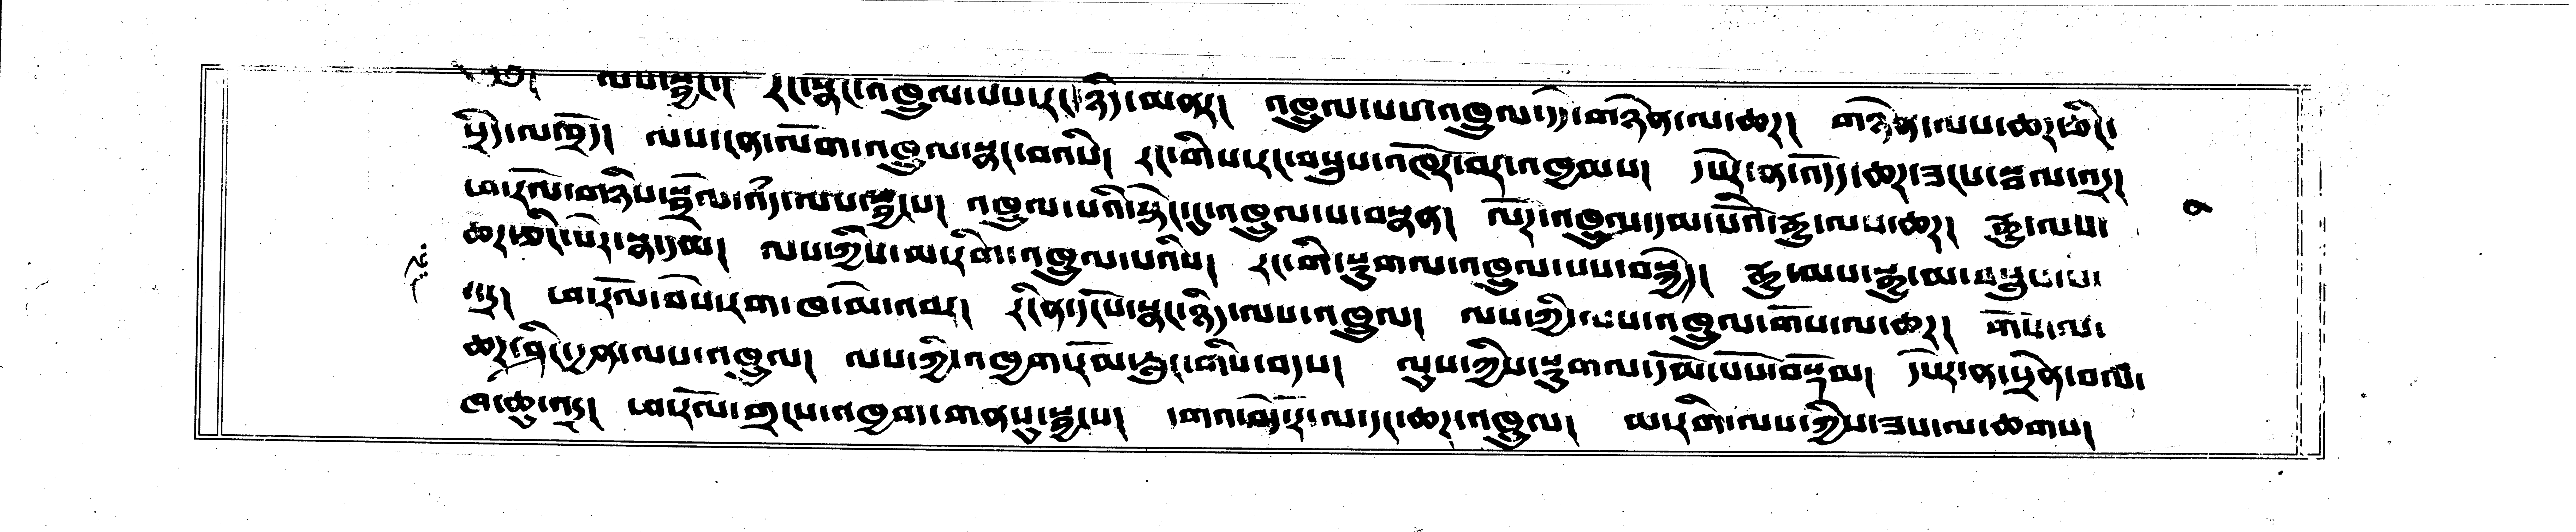ལས་སྦྱང་། རང་སྣང་འཁྲུལ་པས་རང་ཉིད་མནར། འཁྲུལ་པས་འཁྲུལ་དེད་གཉེན་ལ་ཆགས། གཉེན་ལ་ཆགས་ཤིང་
སྲིད་ལ་བྲོད། ལས་ངན་ལོག་འཁྲུལ་སྣང་བ་ཡིས། རང་གིས་རང་བསླུས་འཁོར་བར་འཁྱམས། དཔེར་ན་འདོད་ཆགས་ཟངས་སྦལ་འདྲ།
ཕ་རོལ་གཉིས་སྦྲེལ་འདམ་ལས་སྦྱངས། འཁྲུལ་པའི་སྟེང་དུ་འཁྲུལ་པ་བསྣན། ལོག་འཁྲུལ་དམ་པོའི་སྒྱུ་ལས་ཆགས། རྒྱུ་ལས་
ཆགས་ཅིང་སེར་སྣ་དམ། ལས་ཀྱིས་མ་རིག་འཁྲུལ་པ་ཡིས། རང་གི་སྡུག་བསྔལ་འཁྲུལ་པས་བསྐྱེད། སྒྱུ་མས་སྒྱུ་མ་བསླུས་པ་
འདྲ། ཕ་རོལ་བསེ་རག་ཁ་མེ་འབར། རང་བཞིན་དངོས་སྣང་ཉིད་ལས་འཁྲུལ། ལས་ཀྱིས་ལས་འཁྲུལ་གོས་ལ་ཆགས། གོས་ལ་
ཆགས་ཤིང་རྒྱན་ལས་འཁྲུལ། ལས་ཀྱི་འཁྱག་རོམ་རླུང་གིས་བདས། ལུས་ཀྱི་སྡུག་བསྔལ་དོམ་པོས་བསྡོམ། དཔེར་ན་སྲིན་བལ་
ཁ་ཆུ་འདྲ། ཕ་རོལ་གྲང་འཁྱགས་གནས་སུ་སྦྱངས། དགའ་བདེ་རོ་ལ་དྭངས་ཆགས་འཁྲུལ། མ་རིག་ལས་ཀྱིས་ཟས་ལ་ཆགས།